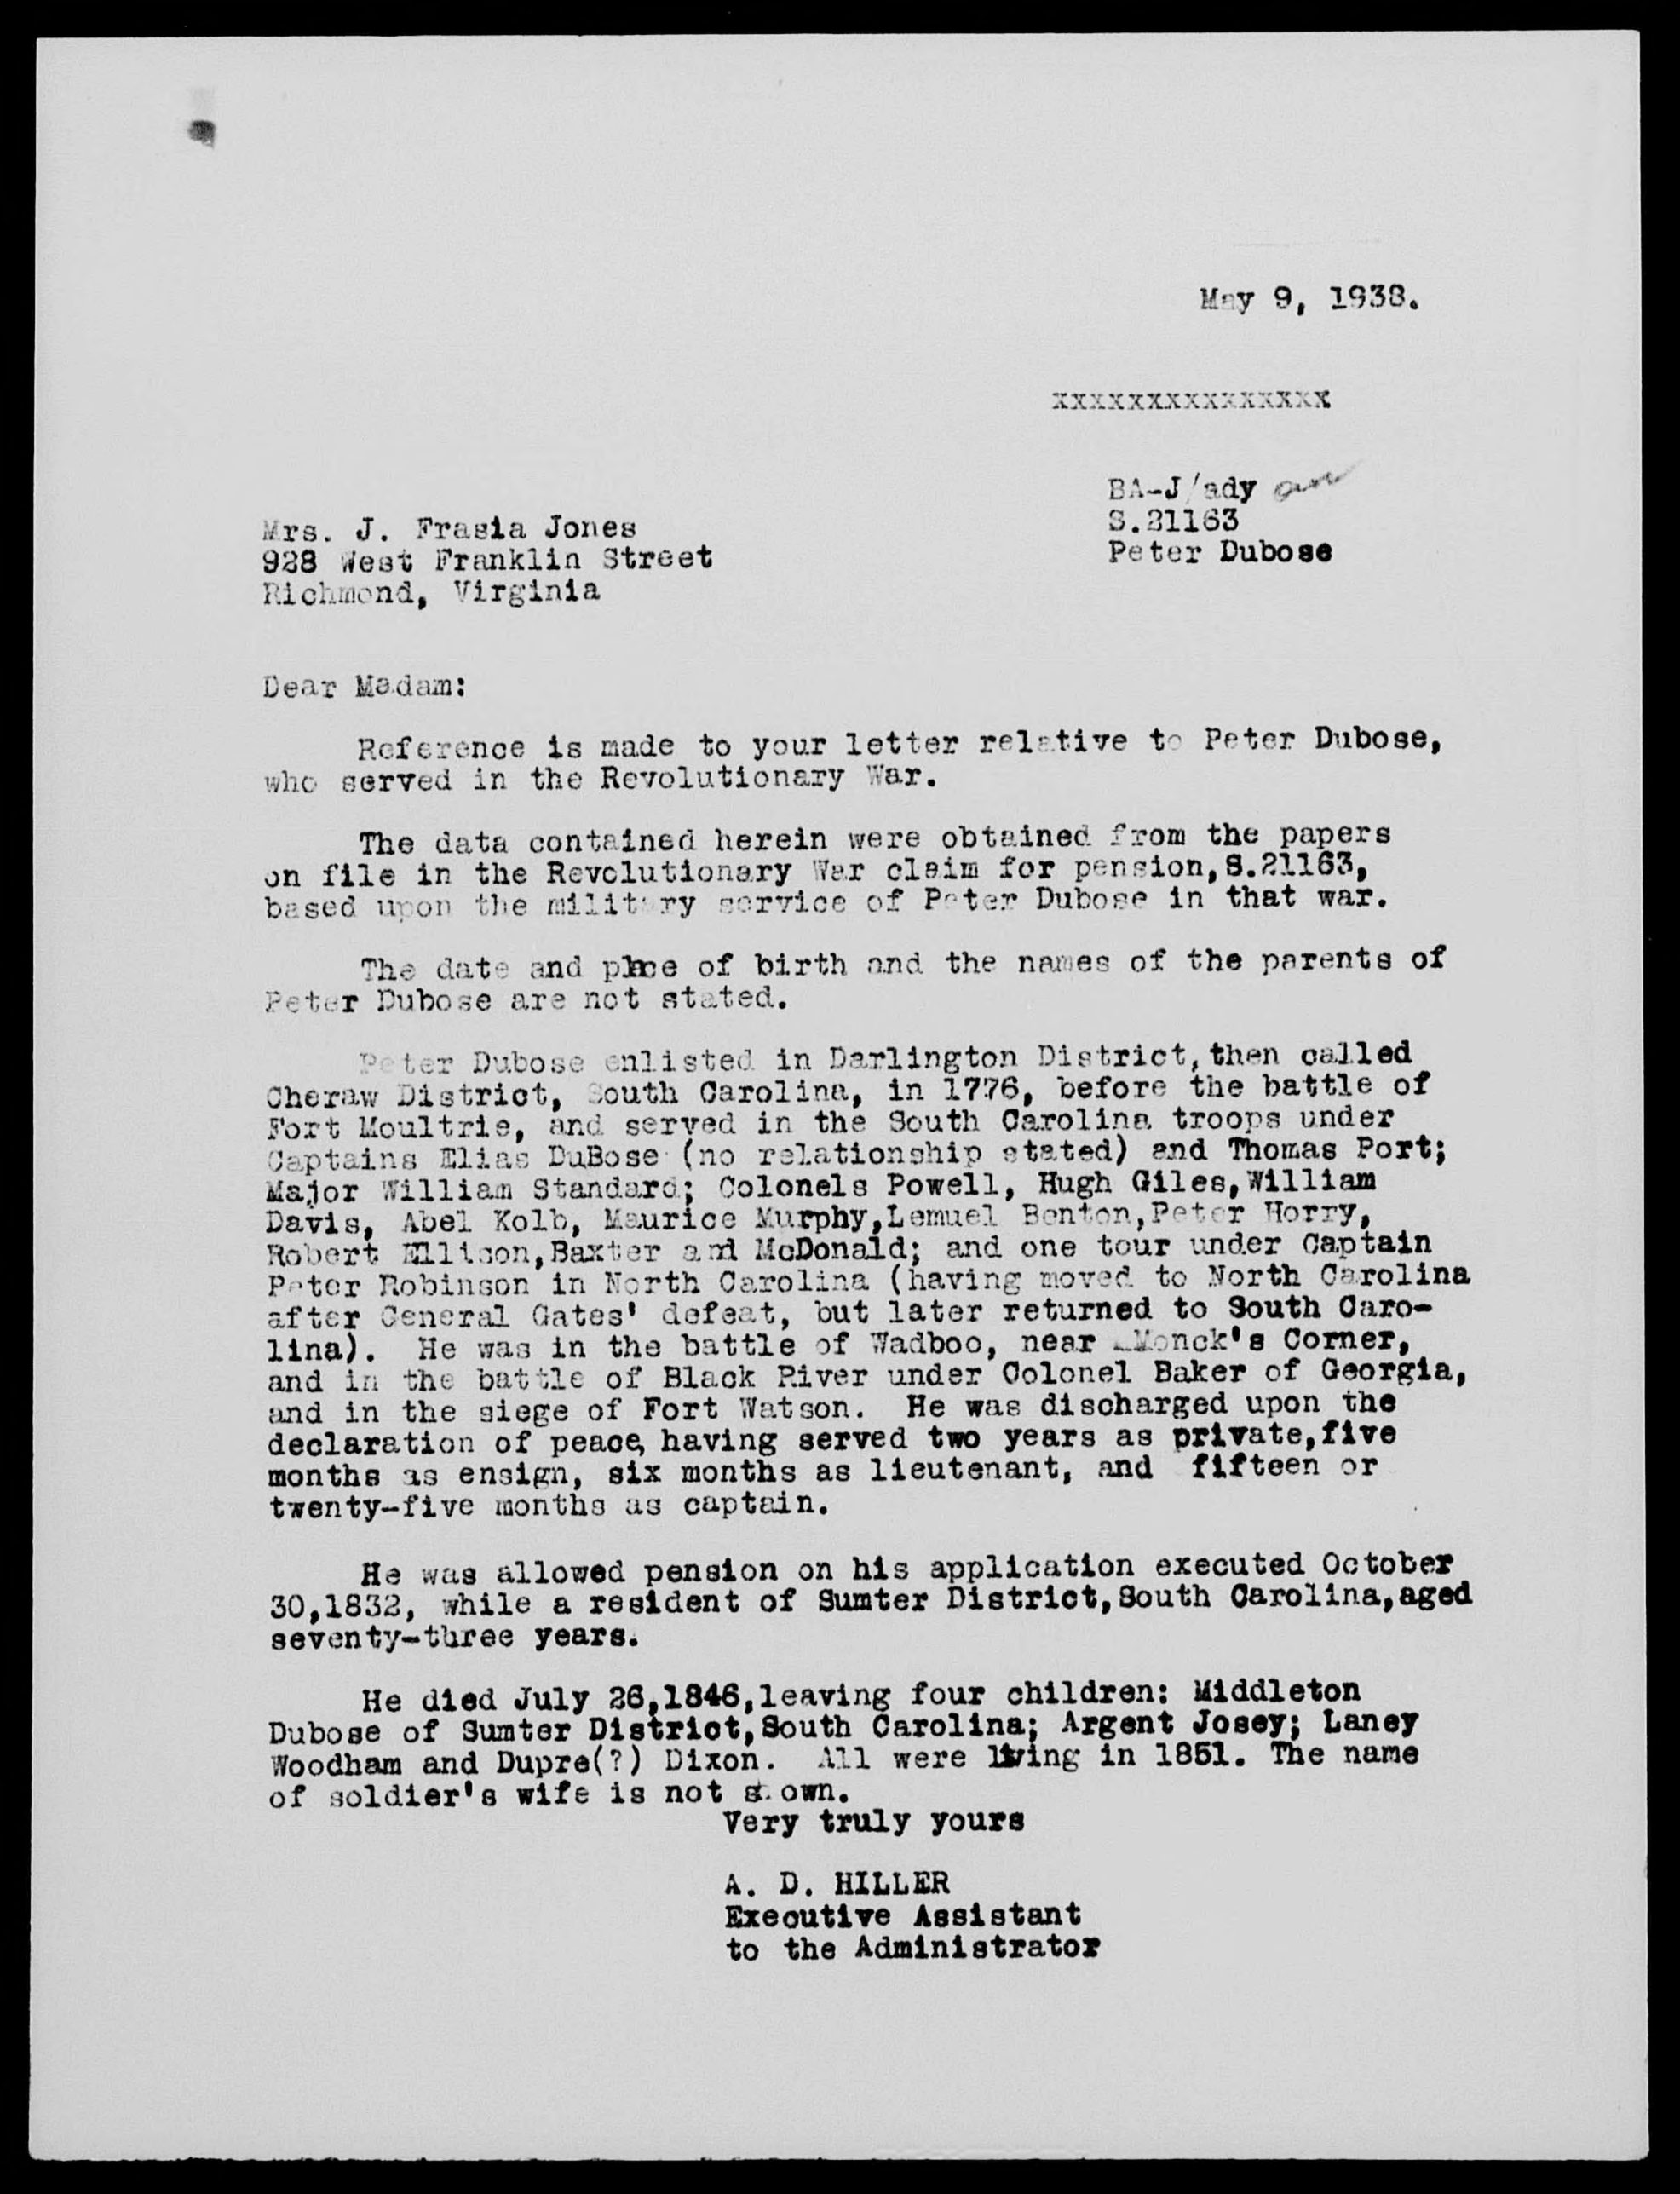May 9, 1938.
XXXXXXXXXXXXXX
BA-J/ady 
S. 21163
Peter Dubose

Mrs. J.
Frasia Jones
928 West Franklin Street
Richmond, Virginia

Dear Madam:

Reference is made to your letter relative to Peter Dubose,
who served in the Revolutionary War.

The data contained herein were obtained from the papers
on file in the Revolutionary War claim for pension, S.21163,
based upon the military service of Peter Dubose in that war.

The date and place of birth and  the names of the parents of
Peter Dubose are not stated.

Peter Dubose enlisted in Darlington District, then called
Cheraw District, South Carolina, in 1776, before the battle of
Fort Moultrie, and served in the South Carolina troops under
Captains Elias DuBose (no relationship stated) and Thomas Port;
Major William Standard; Colonels Powell, Hugh Giles, William
 Davis, Abel Kolb, Maurice Murphy, Lemuel Benton, Peter Horry, 
Robert Ellison,  Baxter and Mc Donald; and one tour under Captain
Peter Robinson in North Carolina (having moved.to North Carolina
after General Gates' defeat, but later returned to South Carolina )
He was in the battle of Wadboo, near  Monck's Corner,
and in the battle of Black River under Colonel Baker of Georgia,
and in the siege of Fort Watson. He was discharged upon
declaration of peace, having served two years as private, five
months as ensign, six months as lieutenant, and fifteen or
twenty-five months as captain.


He was allowed pension on his application executed October
30,1832, while a resident of Sumter District, South Carolina, aged
seventy-three years.

He died July 26, 1846, leaving four children: Middleton
Dubose of Sumter District, South Carolina; Argent Josey; Laney
Woodham and Dupre(?) Dixon.  All were Iiving in 1851. The name
of soldier's wife is not shown.

Very truly yours
A. D. HILLER
Executive Assistant 
to the Administrator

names: Elias Du Bose, Argent Josey, Peter Dubose, Baker, Laney Woodham, Robert Ellison, Peter Dubose, Baxter, Peter Dubose, Peter Horry, Dupre Dixon, Mc Donald, William Davis, Peter Dubose, Thomas Port, Peter Dubose, Peter Robinson, Middleton Dubose, William Standard, J Frasia Jones, Abel Kolb, Maurice Murphy, Lemuel Benton, Gates, Hugh Giles, A D Hiller, Powell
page: 11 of 43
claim: survivor's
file: S. 21163, Peter Dubose, S.C.